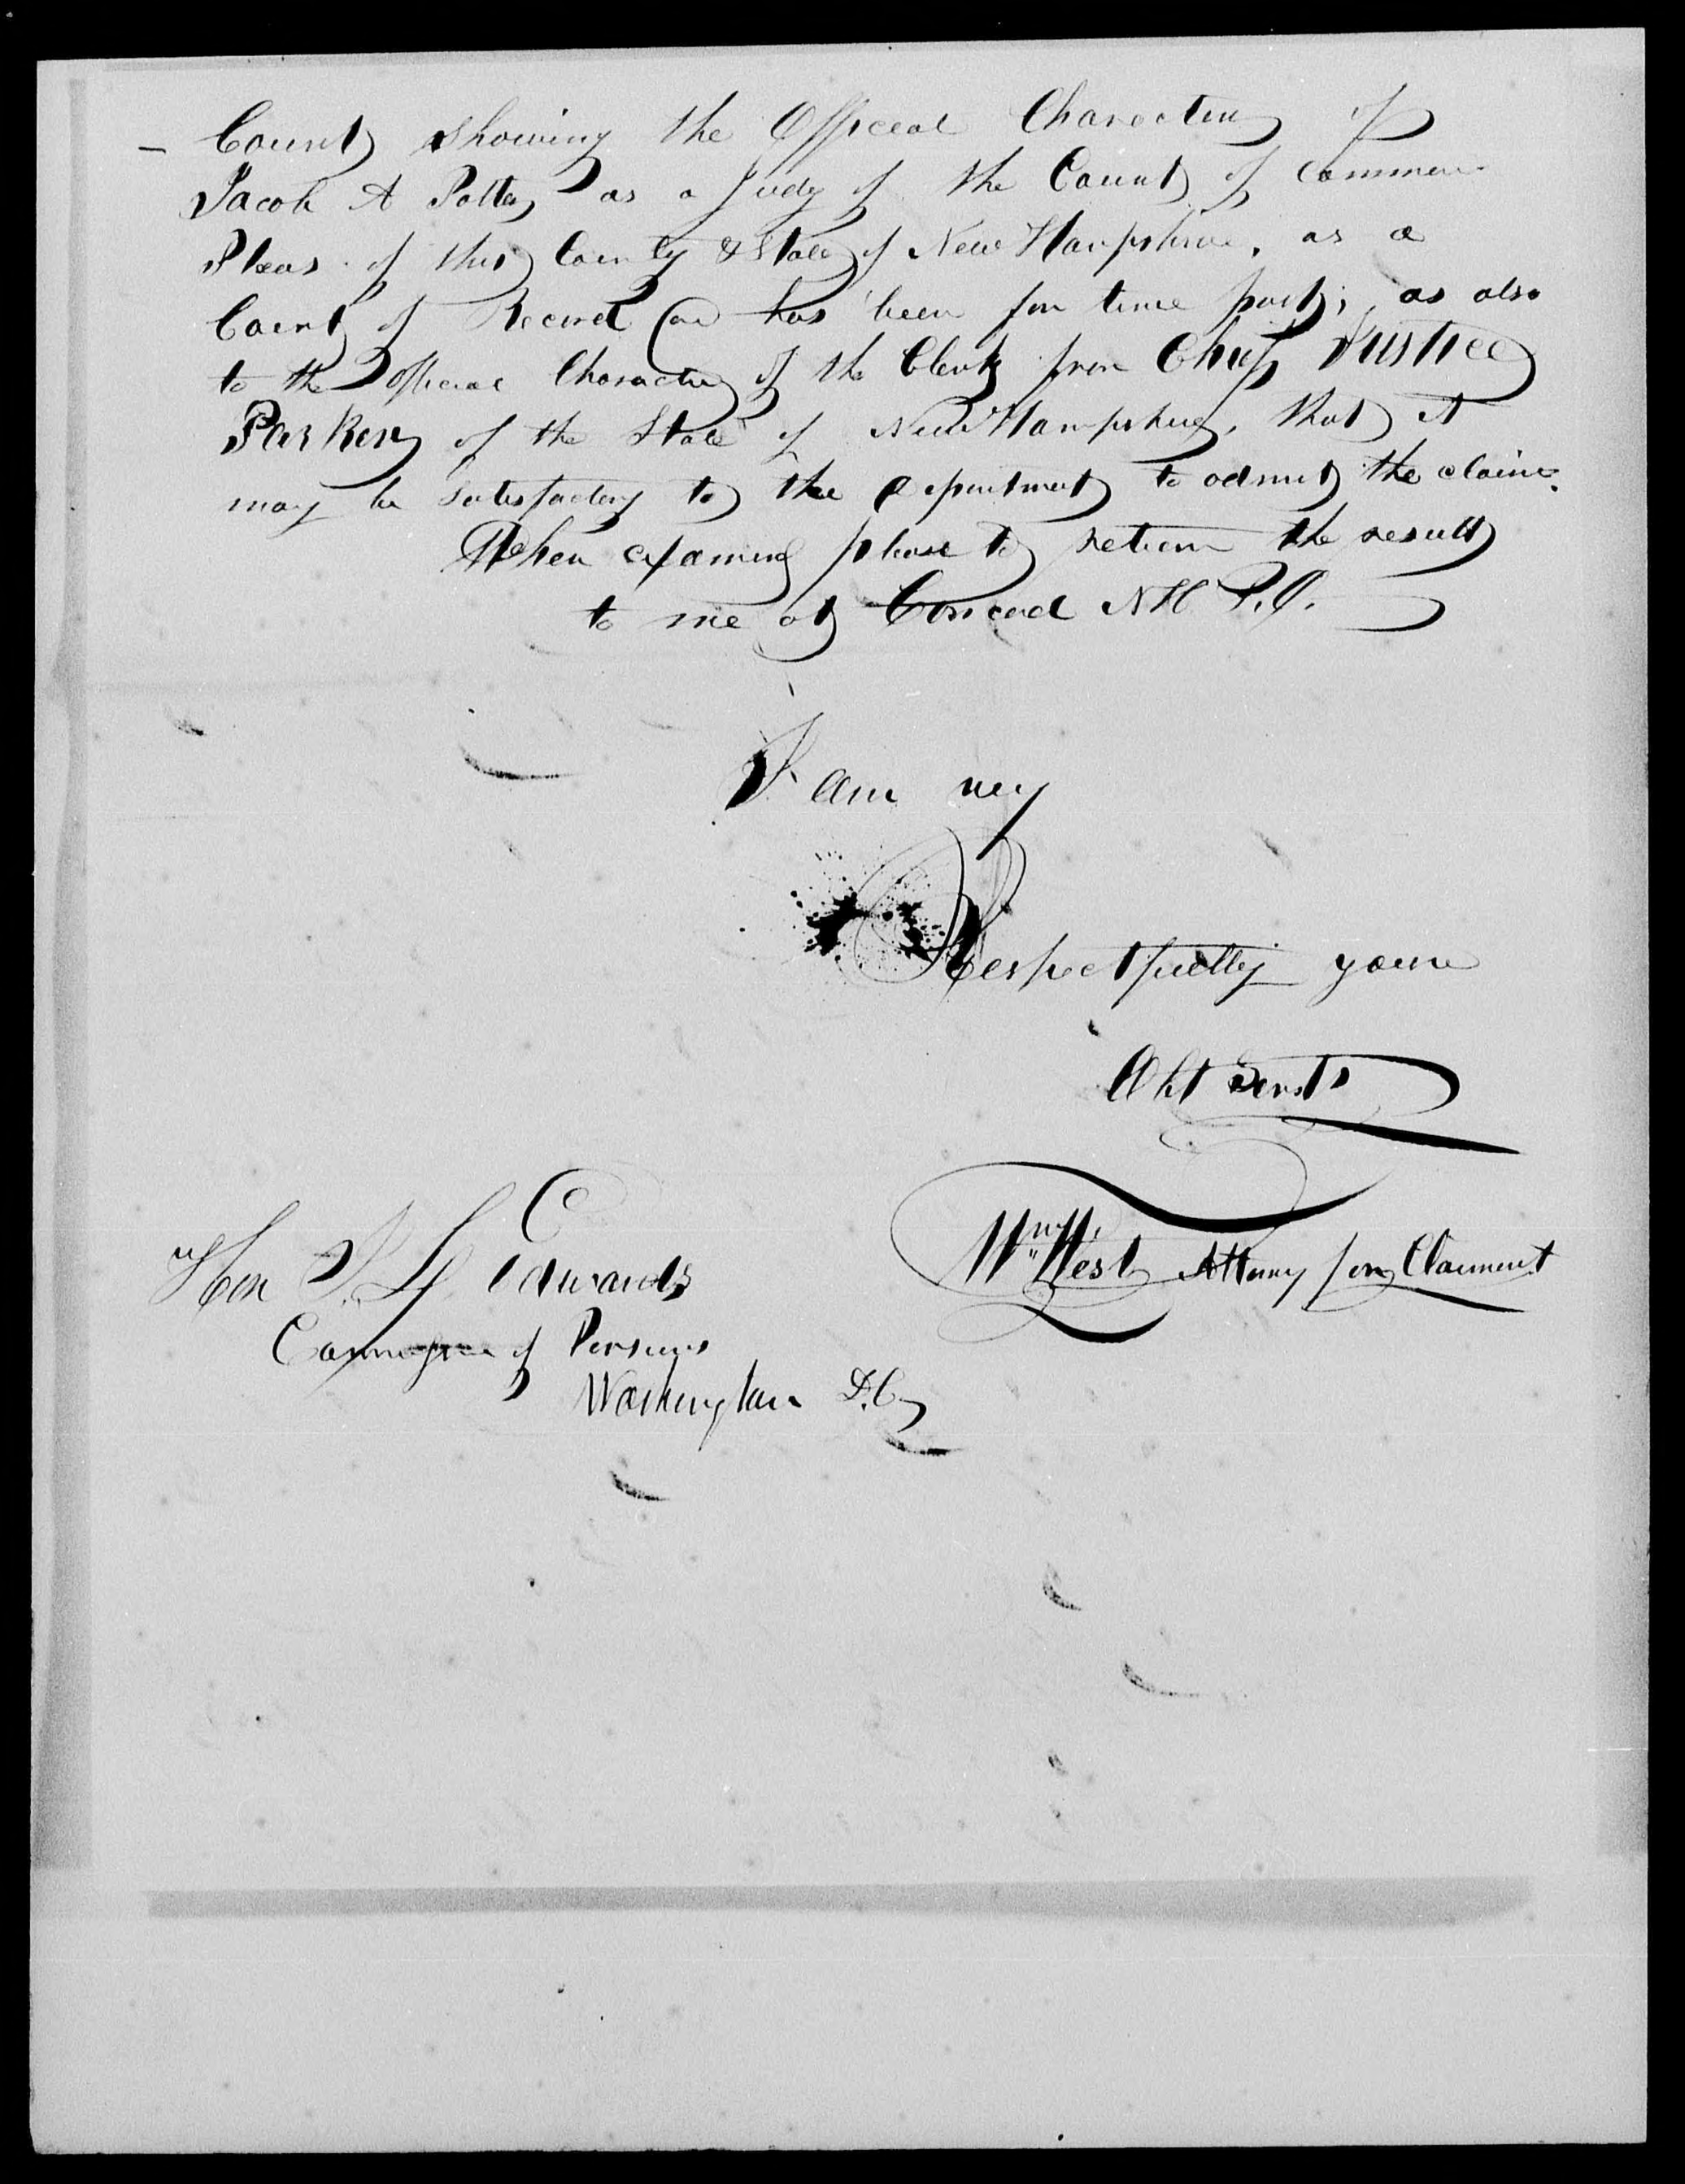— Court showing the Official Character of Jacob A Potter, I as a Judge of the Court of Common Pleas of the County & State of New Hampshire as a Court of Record and has been for time past; as also to the official Character of the Clerk from  Chief Justice Parker of the state of New Hampshire, that it may be satisfactory to the Department to admit the claim

When examined please to return the result to me at Concord NH P.A.

I am very
Respectfully your
Obt Servt
Wm West Attorney for Claimant

Hon J.L Edwards
Commissioner of Pensions
Washington D.C.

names: Parker, J L Edwards, Wm West, Jacob A Potter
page: 40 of 57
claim: widow's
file: W. 23217, Thomas Haines, N H